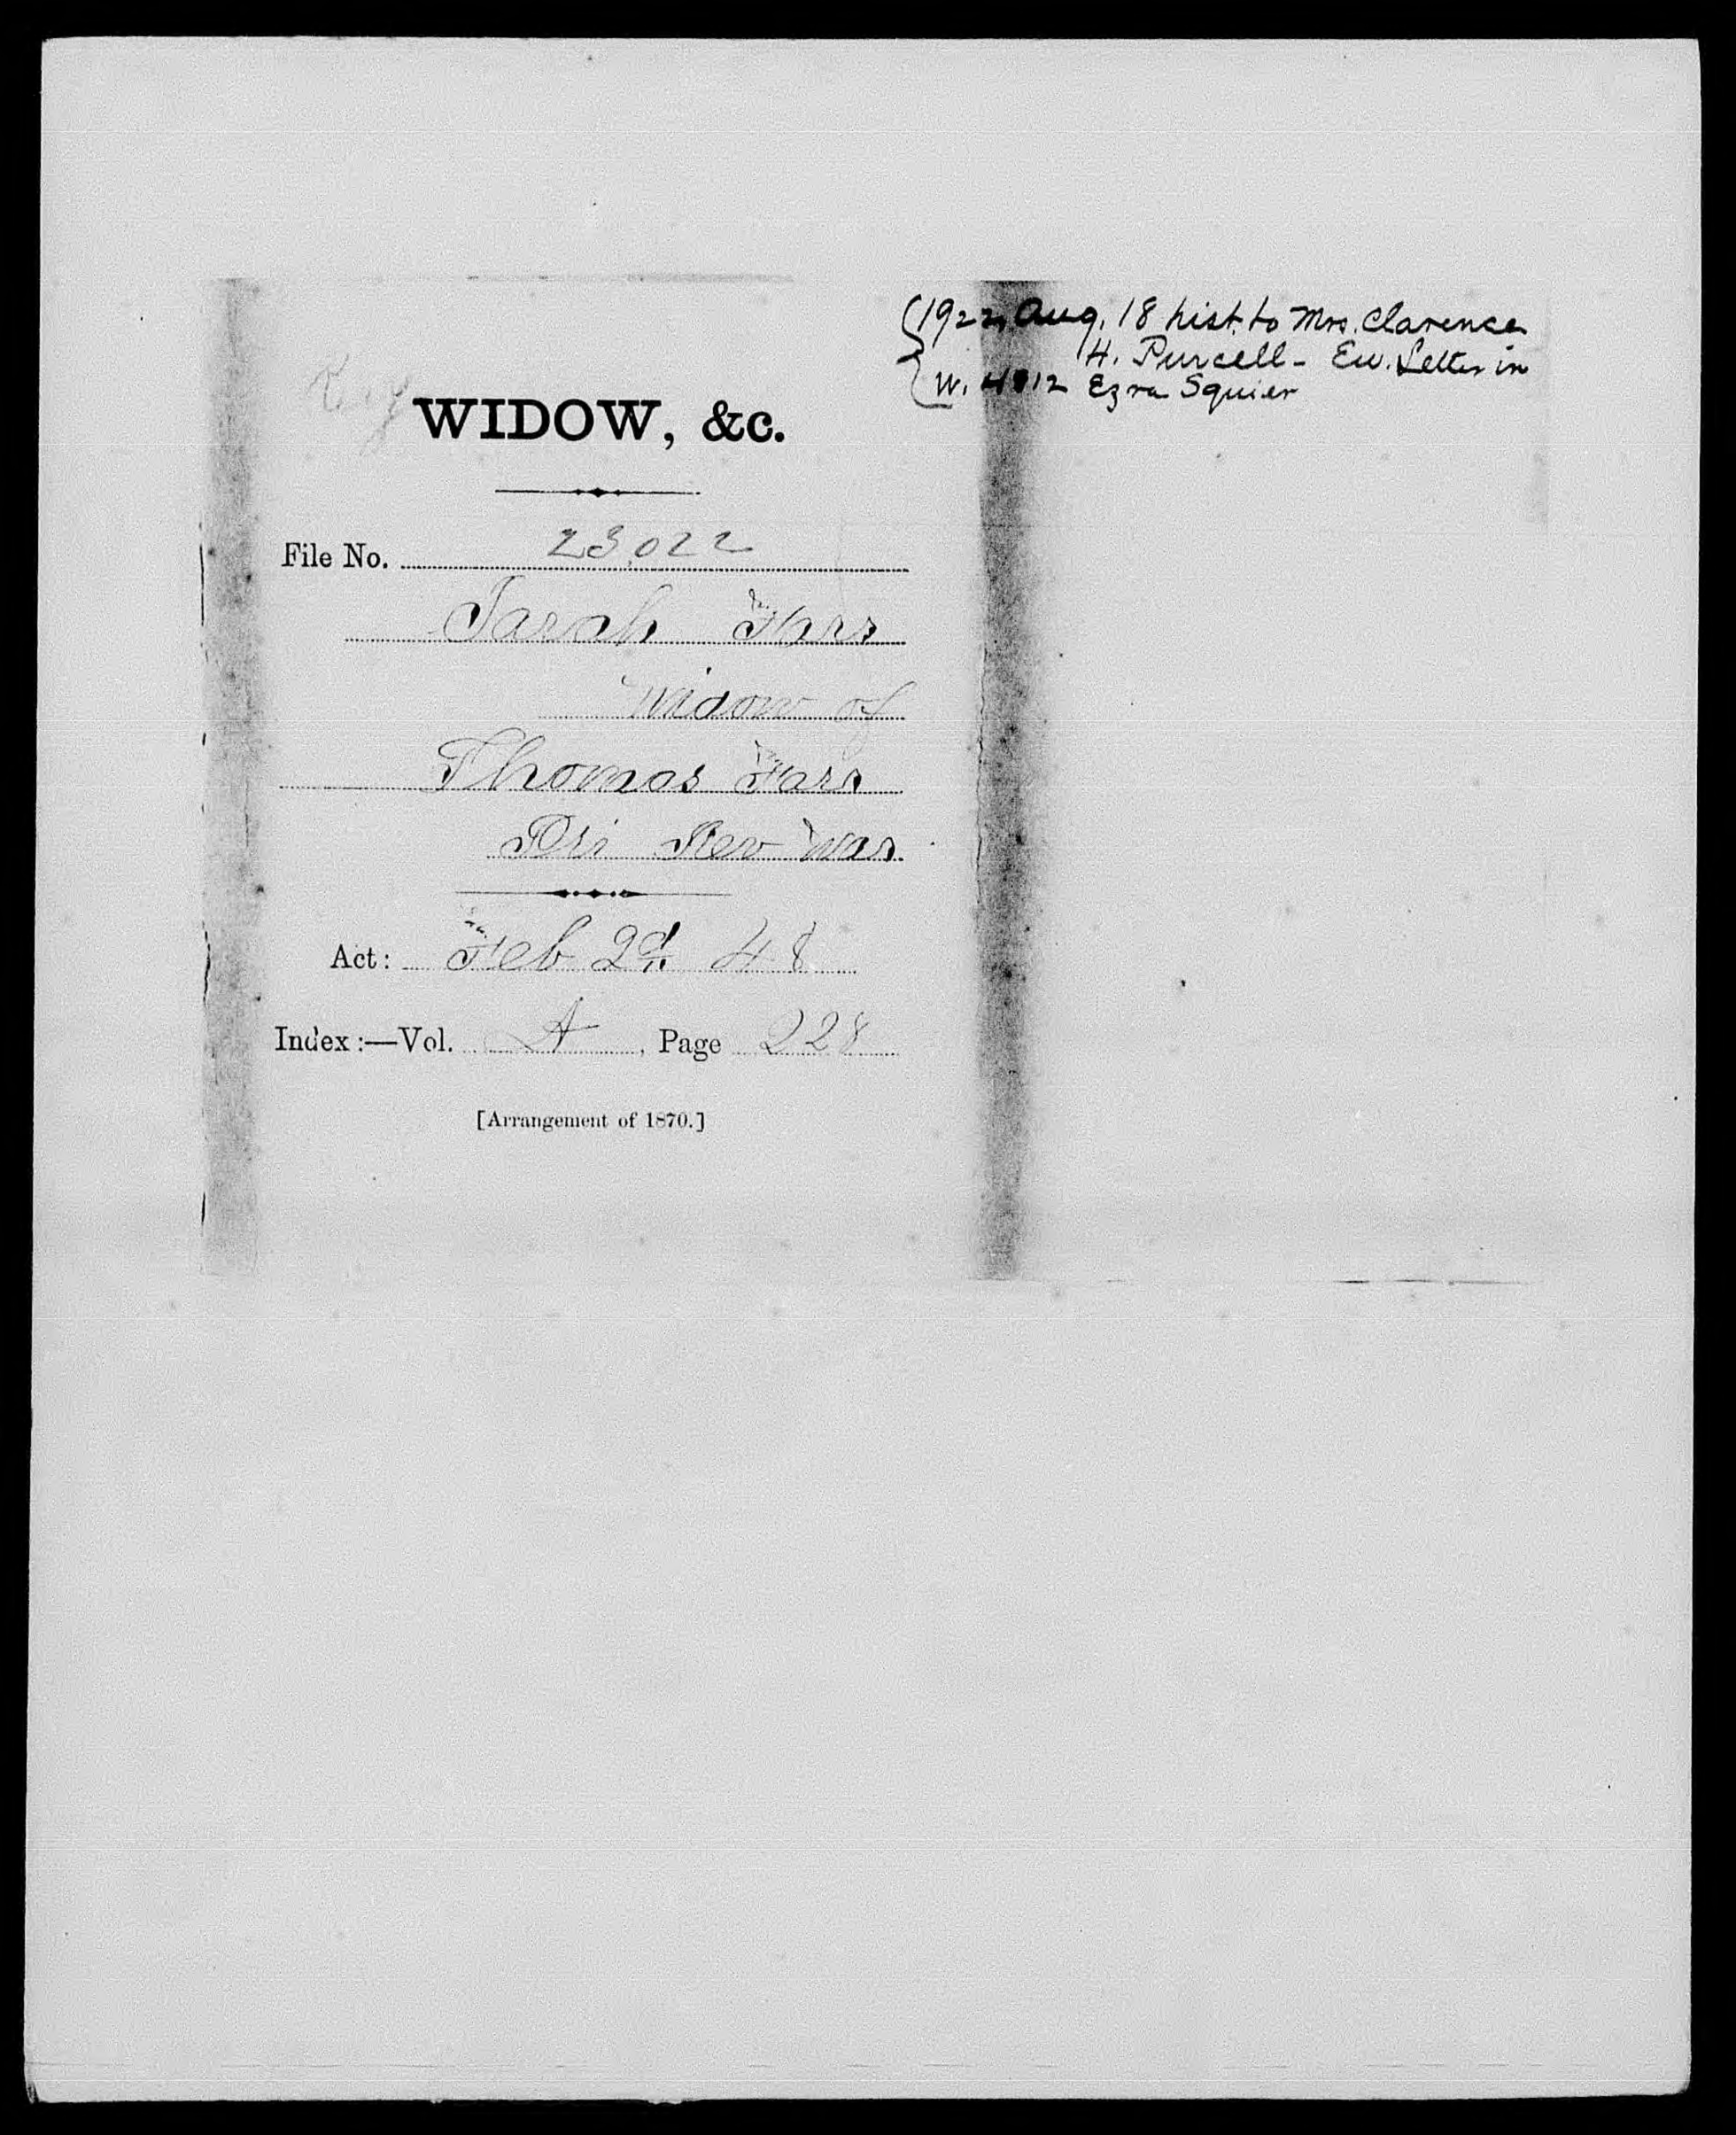[Right facing page]
{1922 Aug. 18 hist. to Mrs. Clarence
{H. Purcell - Ew. Letter in
{W. 4812 Ezra Squier

[left page]
Revy WIDOW, &c.
File No. 23022
Sarah Farr
widow of
Thomas Farr
Pri Rev War
Act: Feb 29, 48
Index: -- Vol. A, Page 228
[Arrangement of 1870.]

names: Ezra Squier, Clarence H Purcell, Sarah Farr, Thomas Farr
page: 19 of 46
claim: widow's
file: W. 23022, Thomas Farr, N.H.